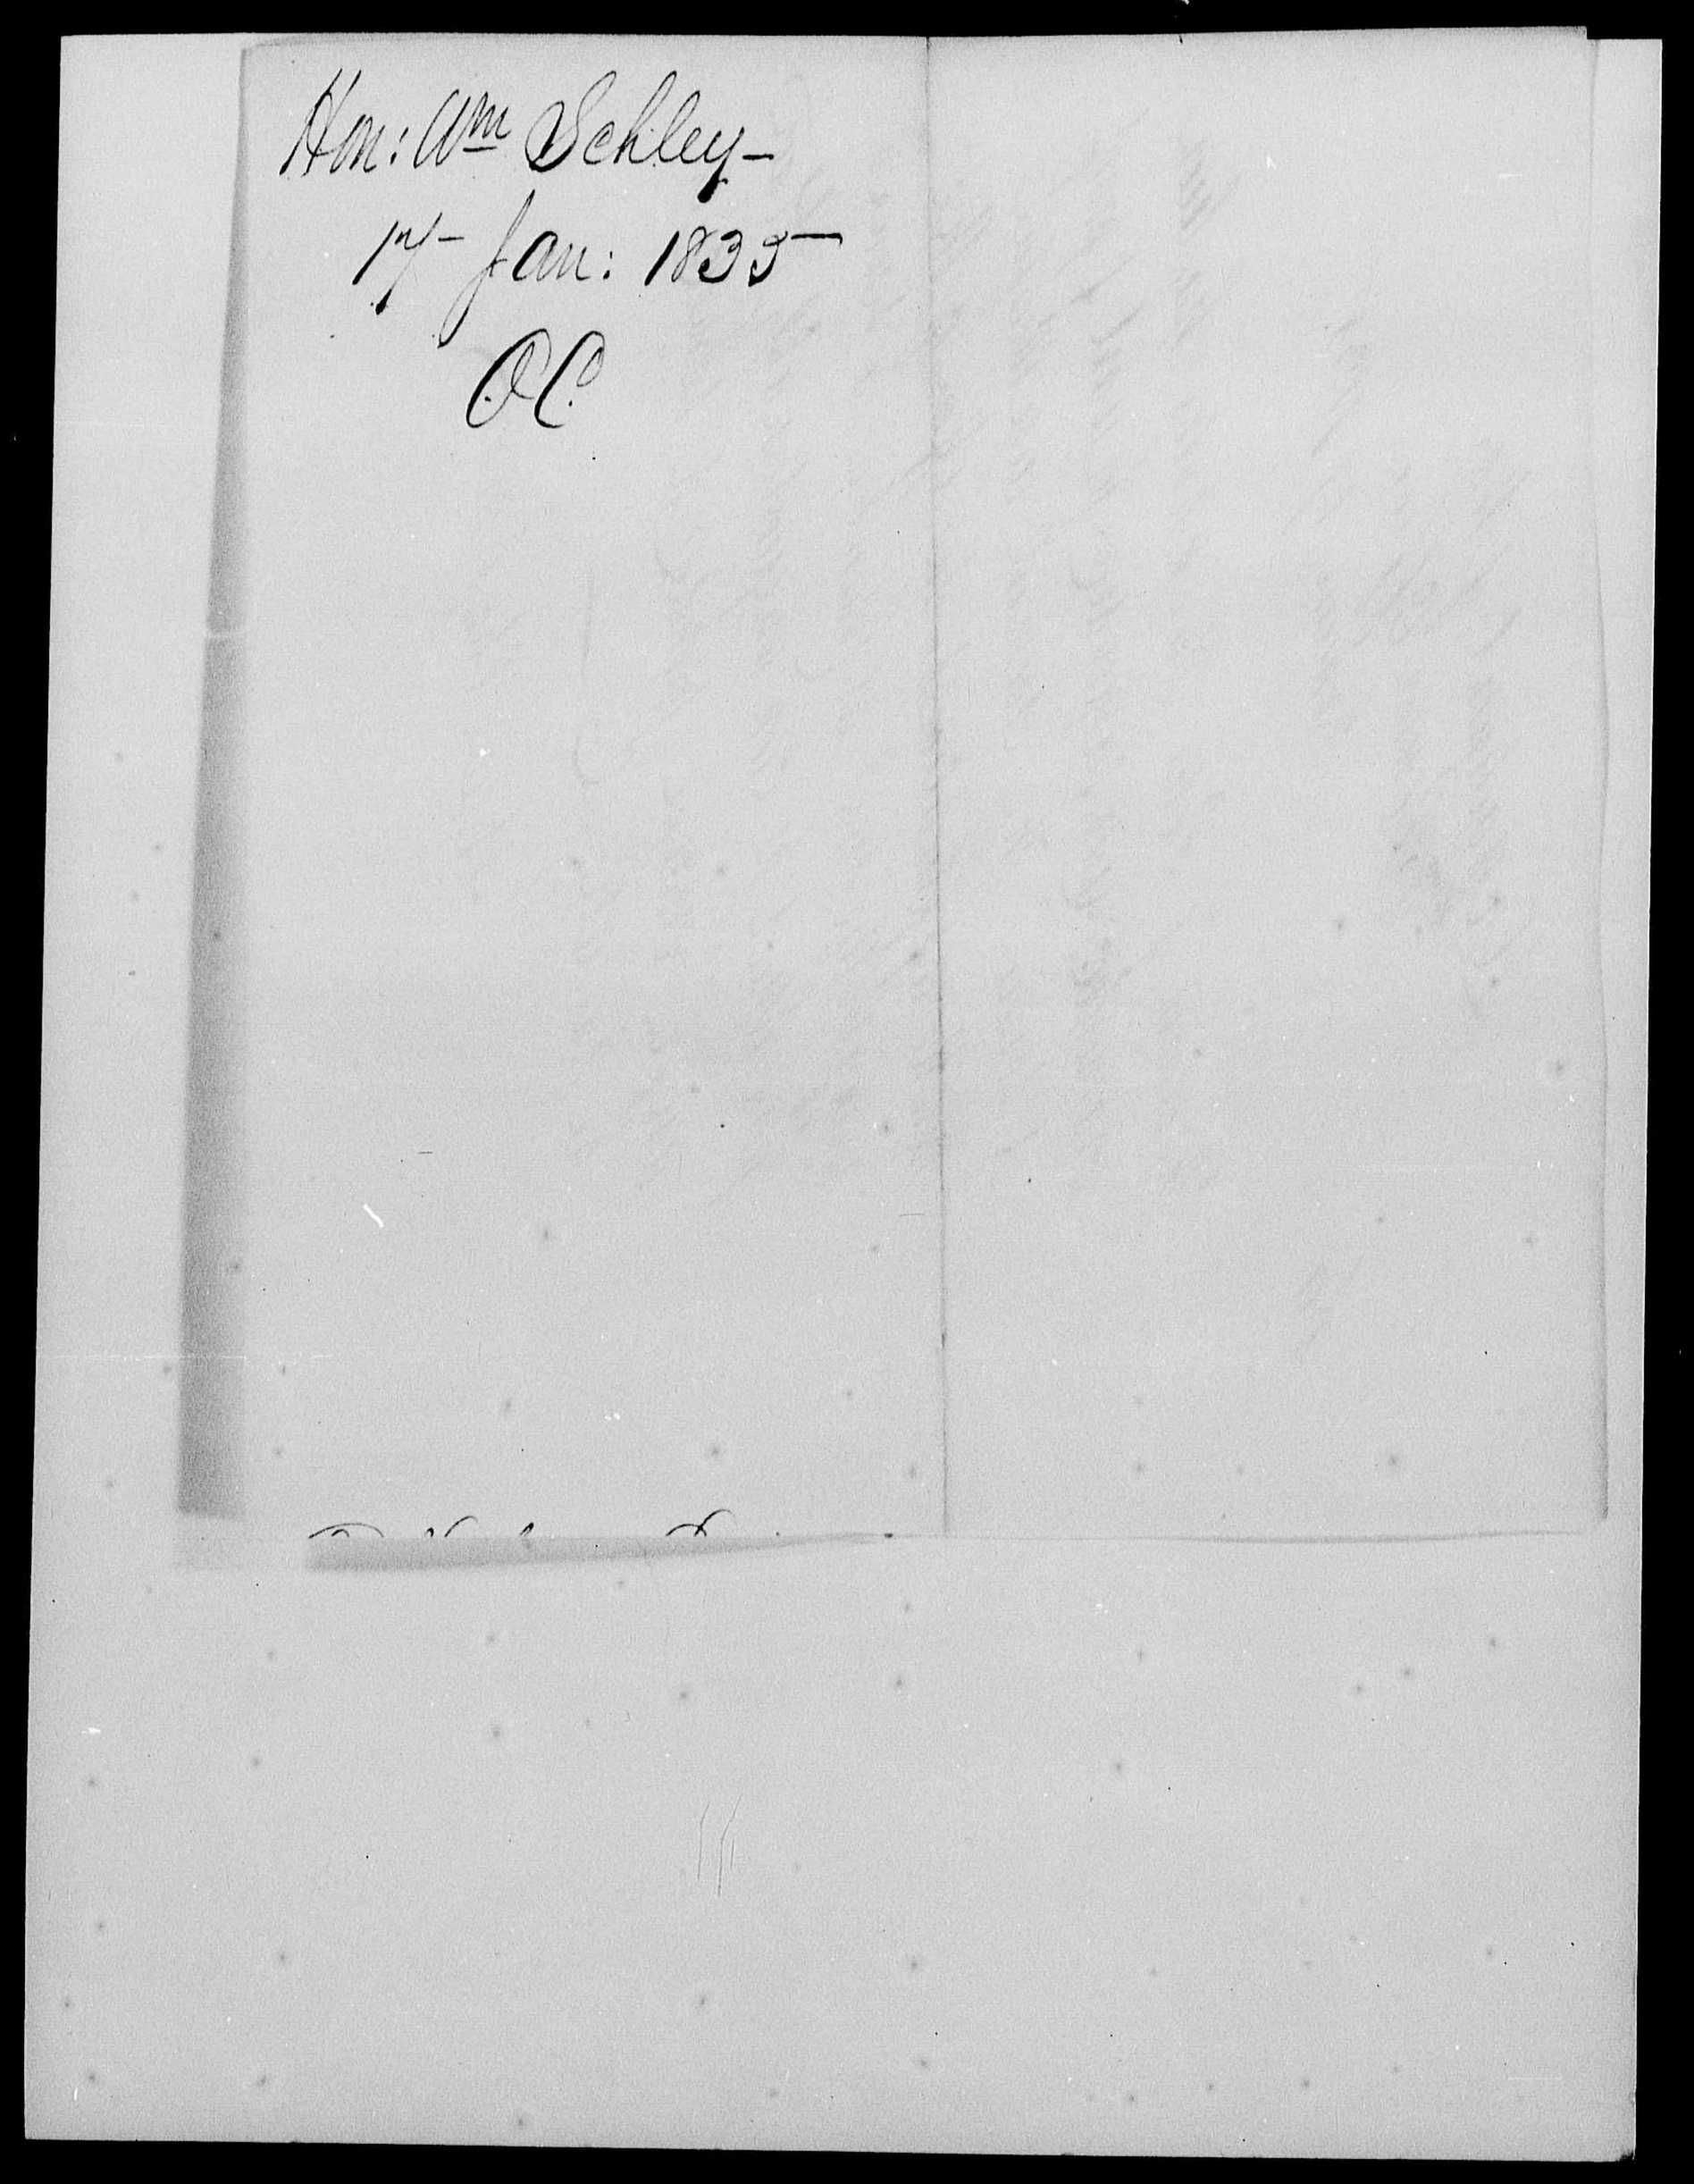Hon. Wm Schley
17 Jan, 1835
O.C.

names: Wm Schley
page: 22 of 23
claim: rejected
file: R. 1465, Peter Buckholts, S.C.